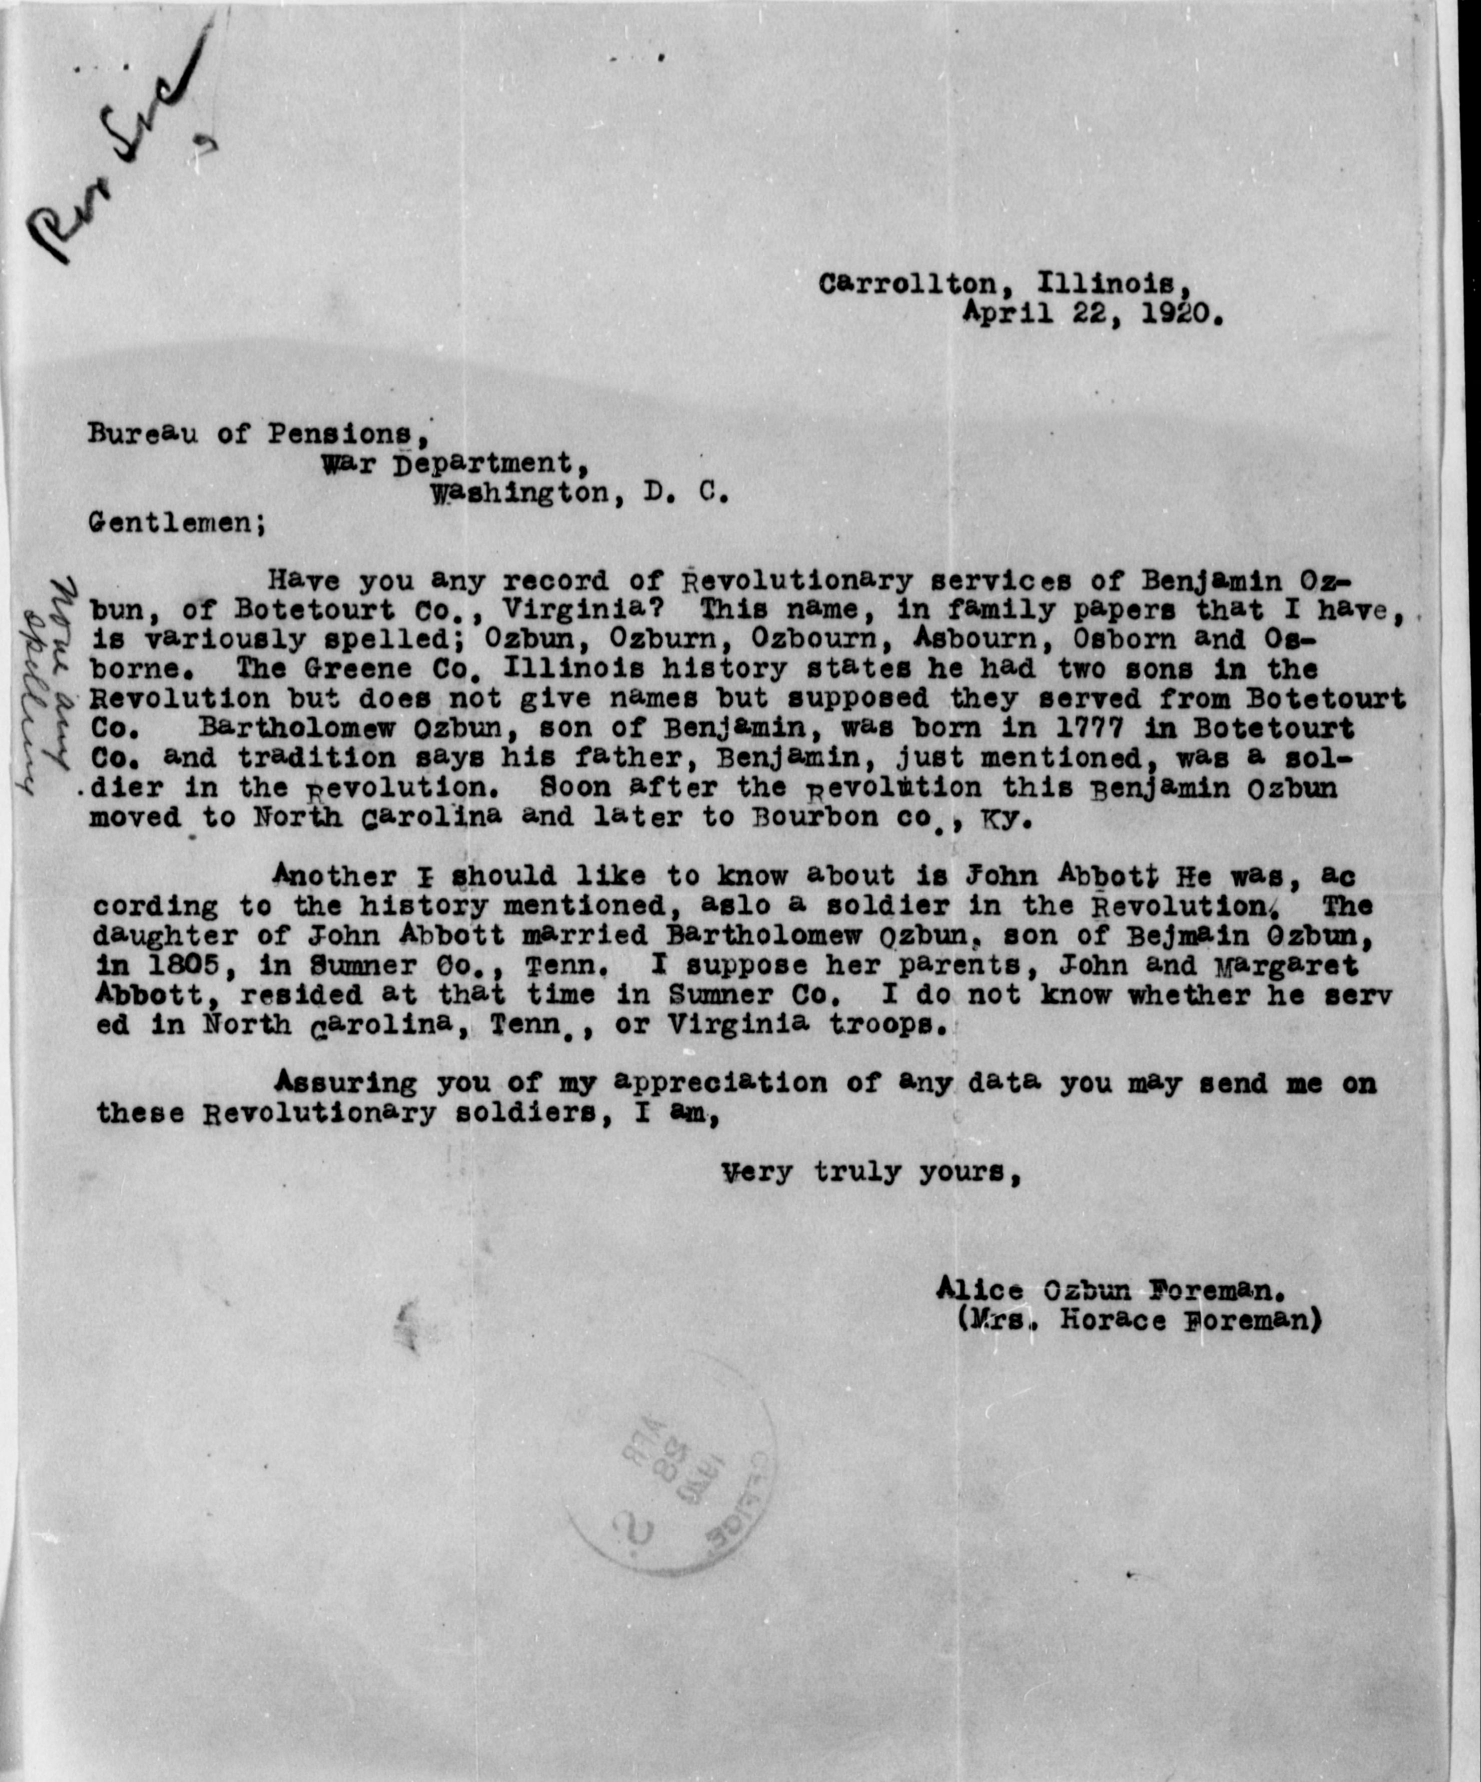Bureau of Pensions,
War Department,
Washington, D. C.
Gentlemen;
Carrollton, Illinois,
April 22, 1920.
Have you any record of Revolutionary services of Benjamin
Ozbun, of Botetourt Co., Virginia? This name, in family papers that I have
is variously spelled Ozbun, Ozburn, Ozbourn, Asbourn, Osborn and
Osborne. The Greene Co. Illinois history states he had two sons in the
Revolution, but does not give names, but supposed they served from Botetourt
Co. Bartholomew Ozbun, son of Benjamin, was born in 1777 in Botetourt
Co. and tradition says his father, Benjamin, just mentioned, was a soldier in the Revolution. Soon after the Revolution this Benjamin Ozbun
moved to North Carolina and later to Bourbon Co., Ky.

Another I should like to know about is John Abbott He was, according to the history mentioned, also a soldier in the Revolution. The
daughter of John Abbott married Bartholomew Ozbun, son of Bejmain Osbun,
in 1805, in Sumner Co., Tenn. I suppose her parents, John and Margaret
Abbott, resided at that time in Sumner Co. I do not know whether he served in North Carolina, Tenn., or Virginia troops.
Assuring you of my appreciation of any data you may send me on
these Revolutionary soldiers, I am,
Very truly yours,
Alice Ozbun Foreman.
(Mrs. Horace Foreman)

none any spelling
[hand written on the side of the letter, next to the various spellings. ]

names: Benjamin, Horace Foreman, Bejmain Ozbun, Bartholomew Ozbun, John Abbott, Benjamin Ozbun, Bartholomew Ozbun, Margaret Abbott, John Abbott, Alice Ozbun, Benjamin Ozbun, Benjamin, John Abbott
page: 29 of 35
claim: survivor's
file: S. 32089, John Abbott, Continental N. C.